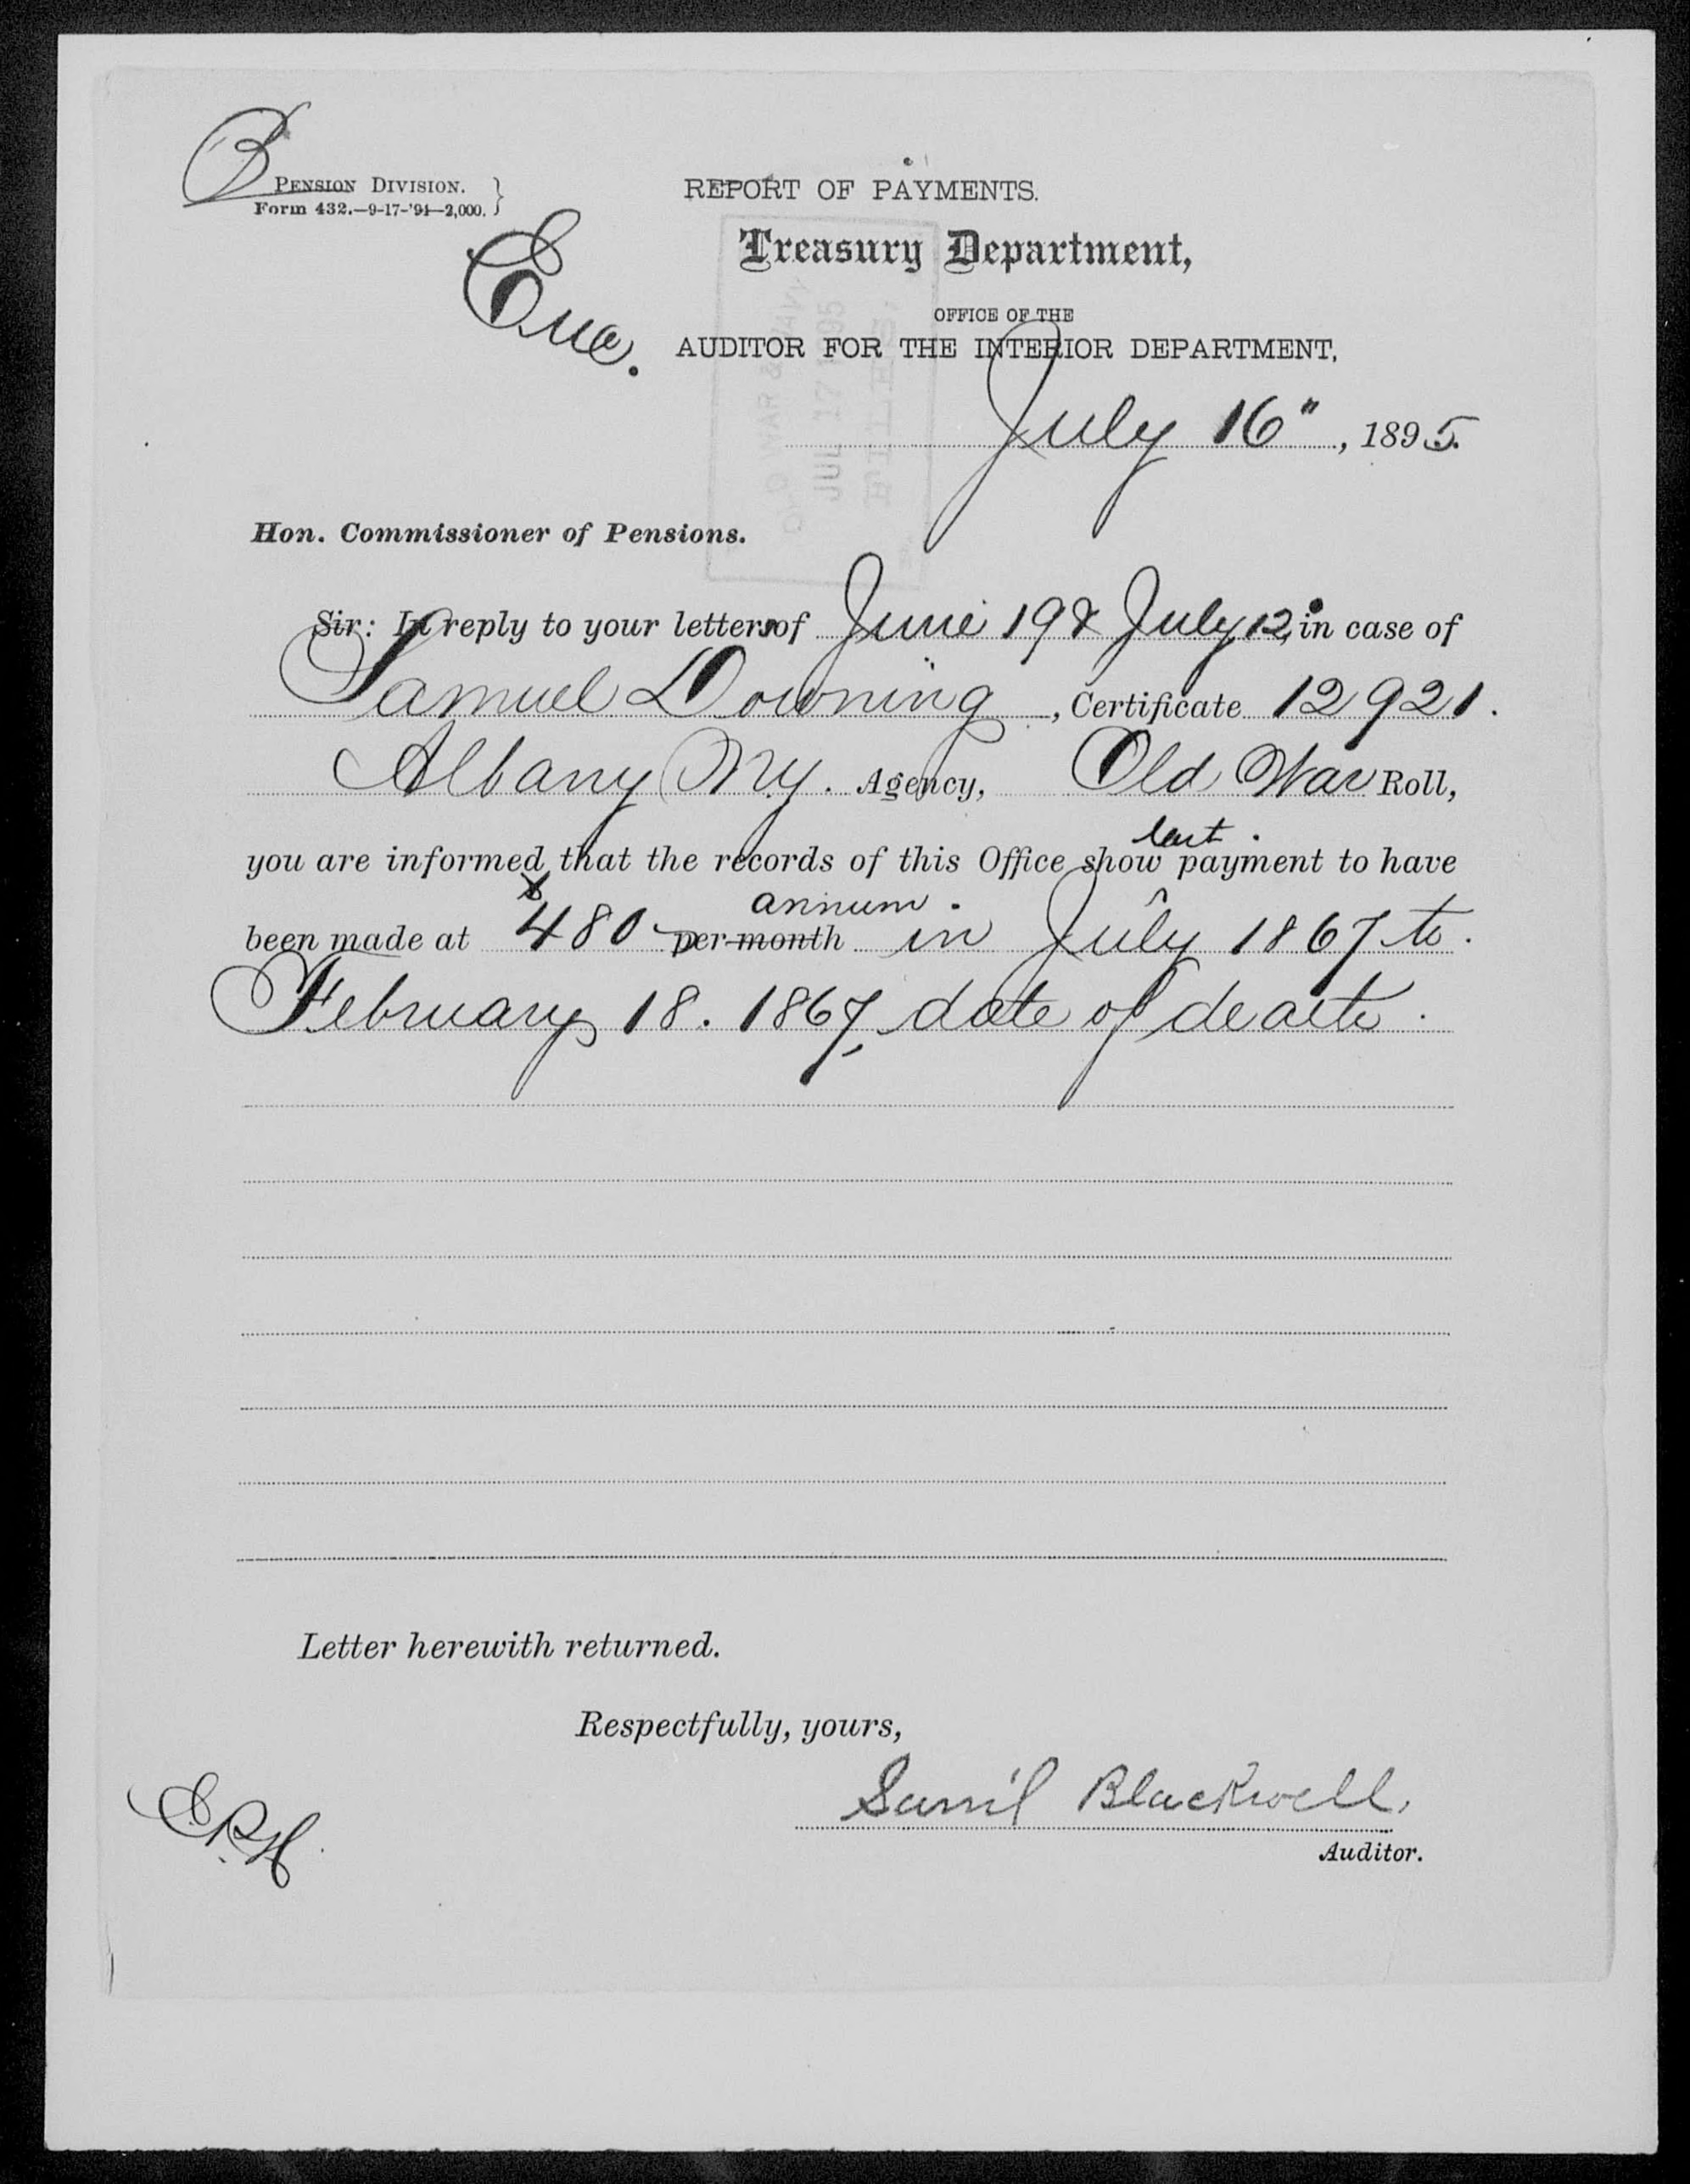PENSION DIVISION
Form 432.-9-17-‘91-2,000
REPORT OF PAYMENTS
Treasury Department 
OFFICE OF THE
AUDITOR FOR THE INTERIOR DEPARTMENT 
July 16, 1895
Hon. Commissioner of Pensions. 
Sir: In reply to your letters of June 19 & July 12 in case of Samuel Downing, Certificate 12921.
Albany N.Y. Agency, Old War Roll, you are informed that the records of this Office show last payment to have been made at $480 per (crossed out) annum in July 1867 to February 18, 1867 date of death
Letter herewith returned.
Respectfully yours,
Sam’l Blackwell Auditor.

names: Saml Blackwell, Samuel Downing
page: 14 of 56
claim: survivor's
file: S. 40,055, Samuel Downing, N.H.